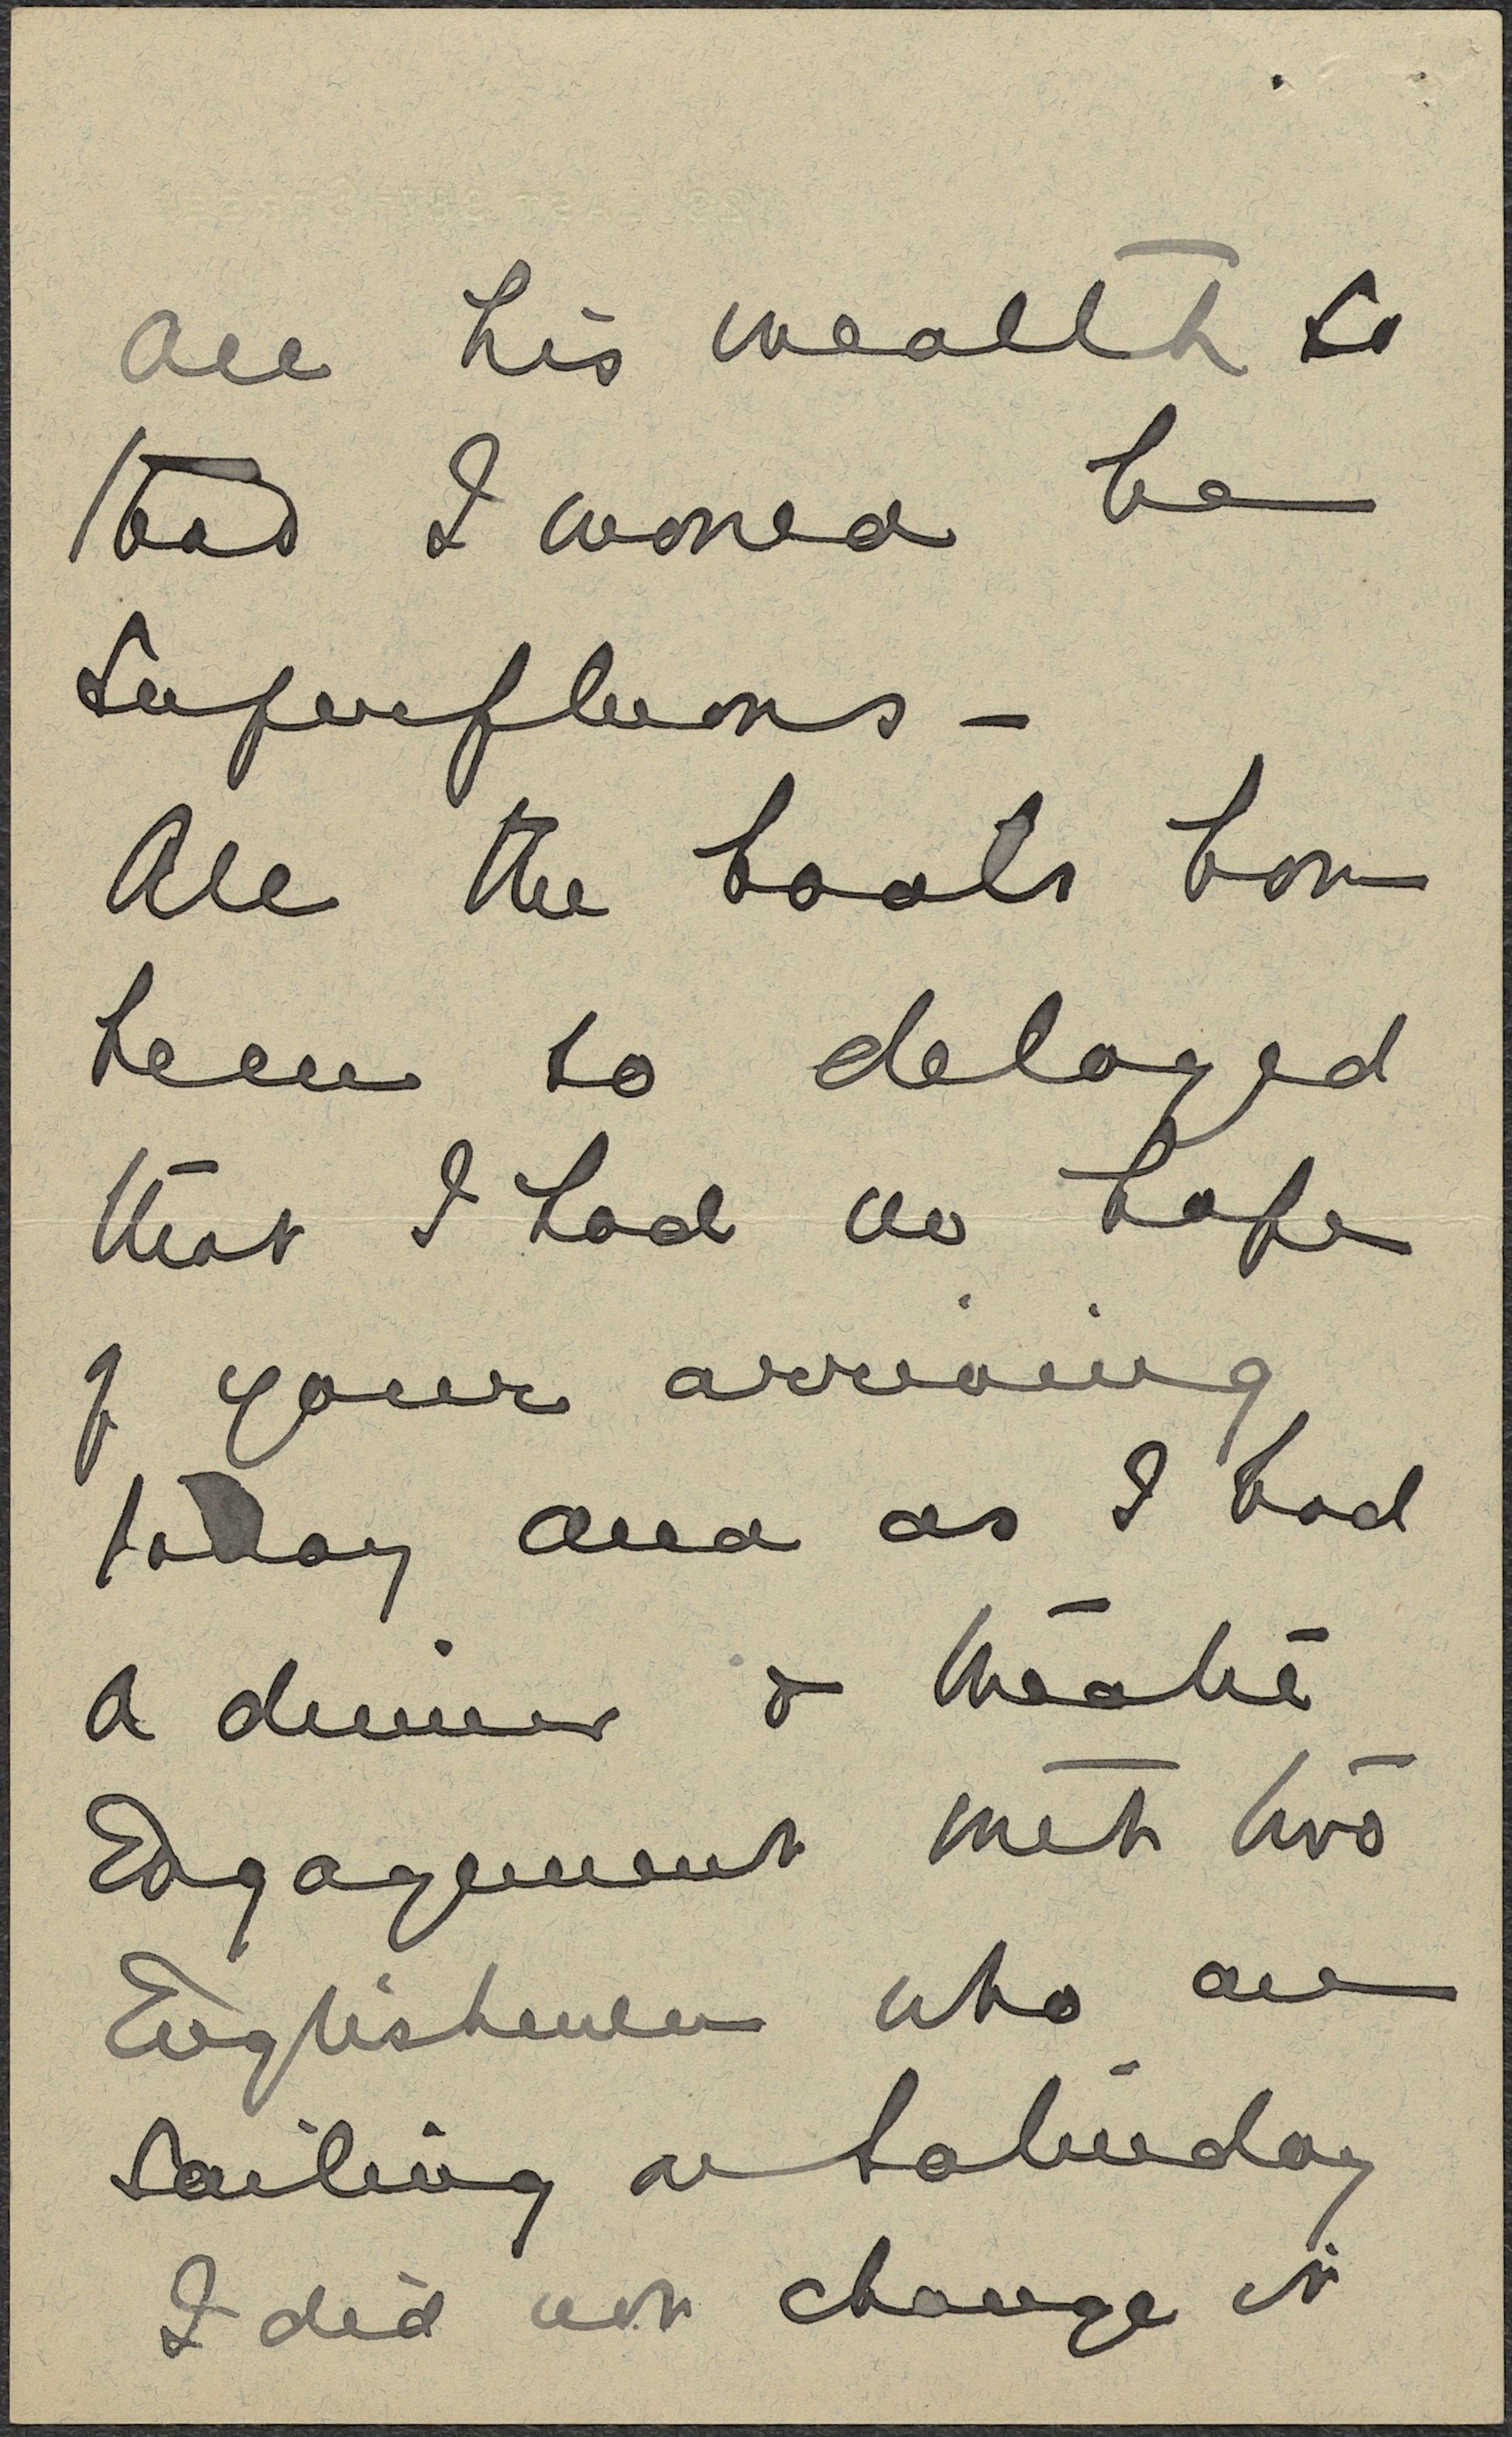all his wealth so that I would be superfluous –
All the boats have been so delayed that I had no hope of your arriving today and as I had a dinner & theatre engagement with two Englishmen who are sailing on Saturday I did not change it